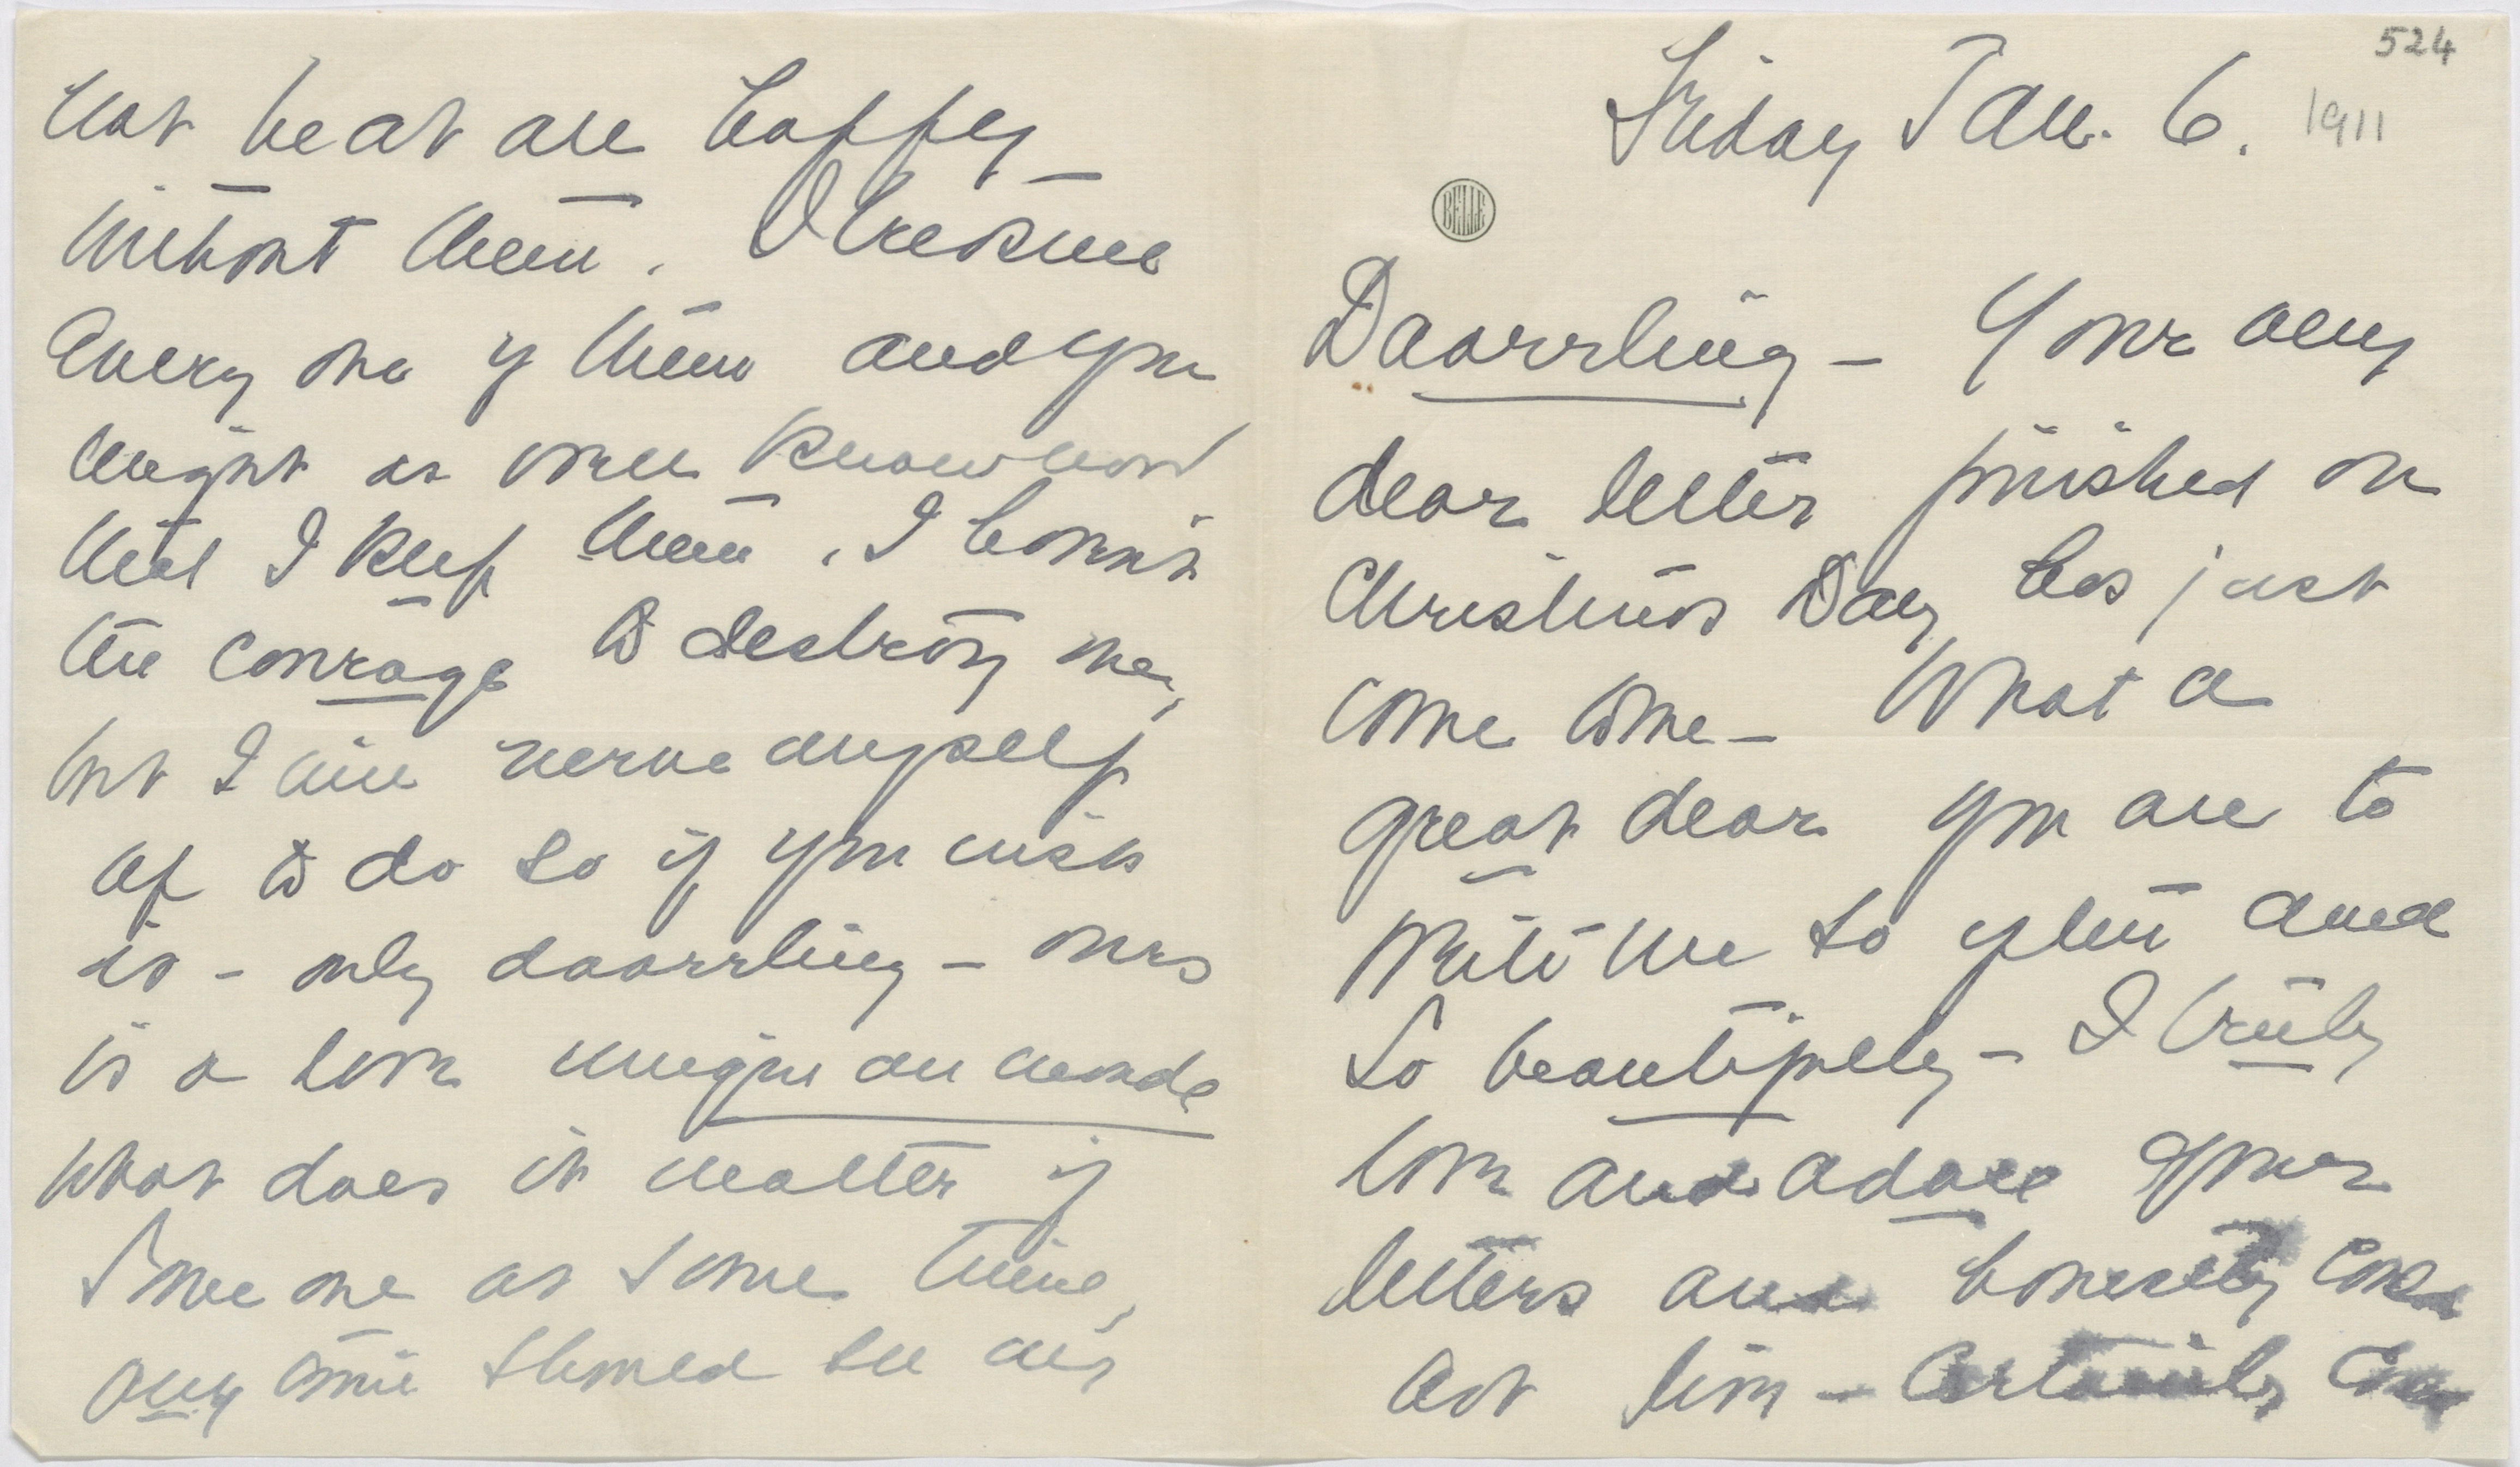Friday Jan. 6
Daarrling – Your very dear letter finished on Christmas Day has just come to me – What a great dear you are to write me so often and so beautifully – I truly love and adore your letters and honestly could not live – certainly could
not be at all happy without them. I treasure every one of them and you might as well know now that I keep them. I haven’t the courage to destroy one, but I will nerve myself up to do so if you wish it – only daarrling – ours is a love unique du monde what does it matter if some one at some time, any time should see my